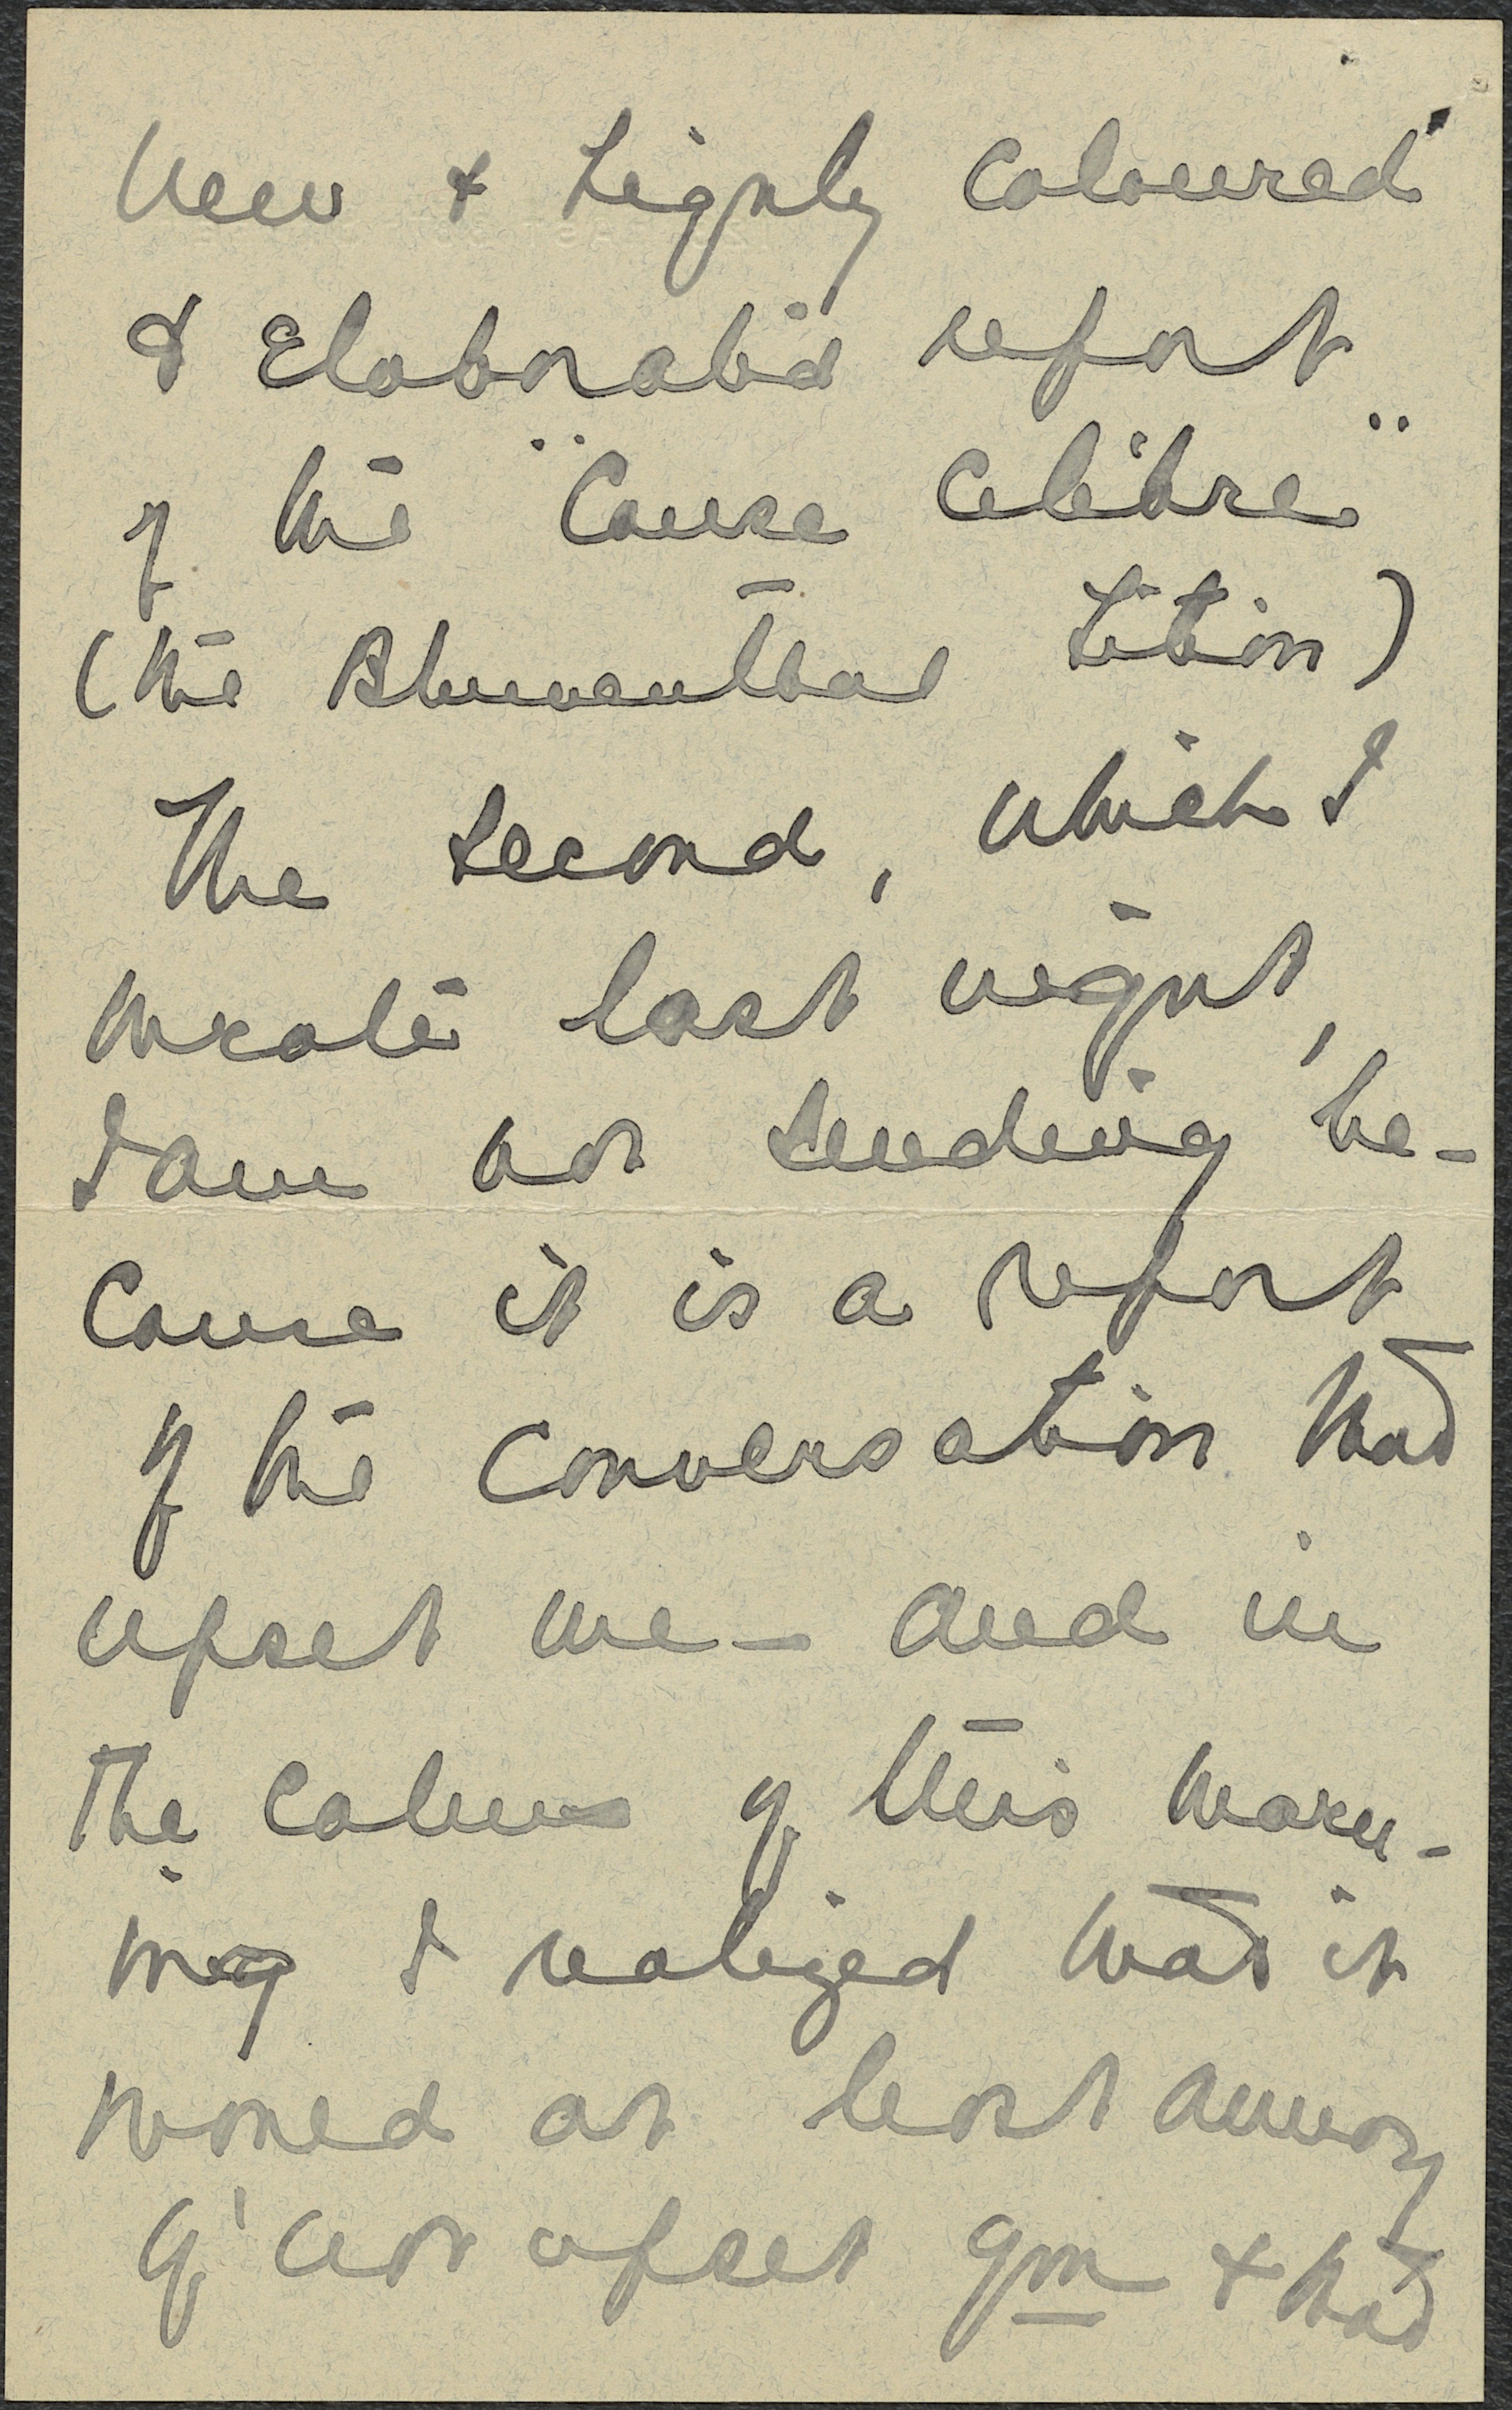new & highly coloured & elaborated report of the "Cause Celèbre" (the Blumenthal Titian)
The second, which I wrote last night, I am not sending because it is a report of the conversation that upset me – And in the calm of this morning I realized that it would at least annoy if not upset you & that